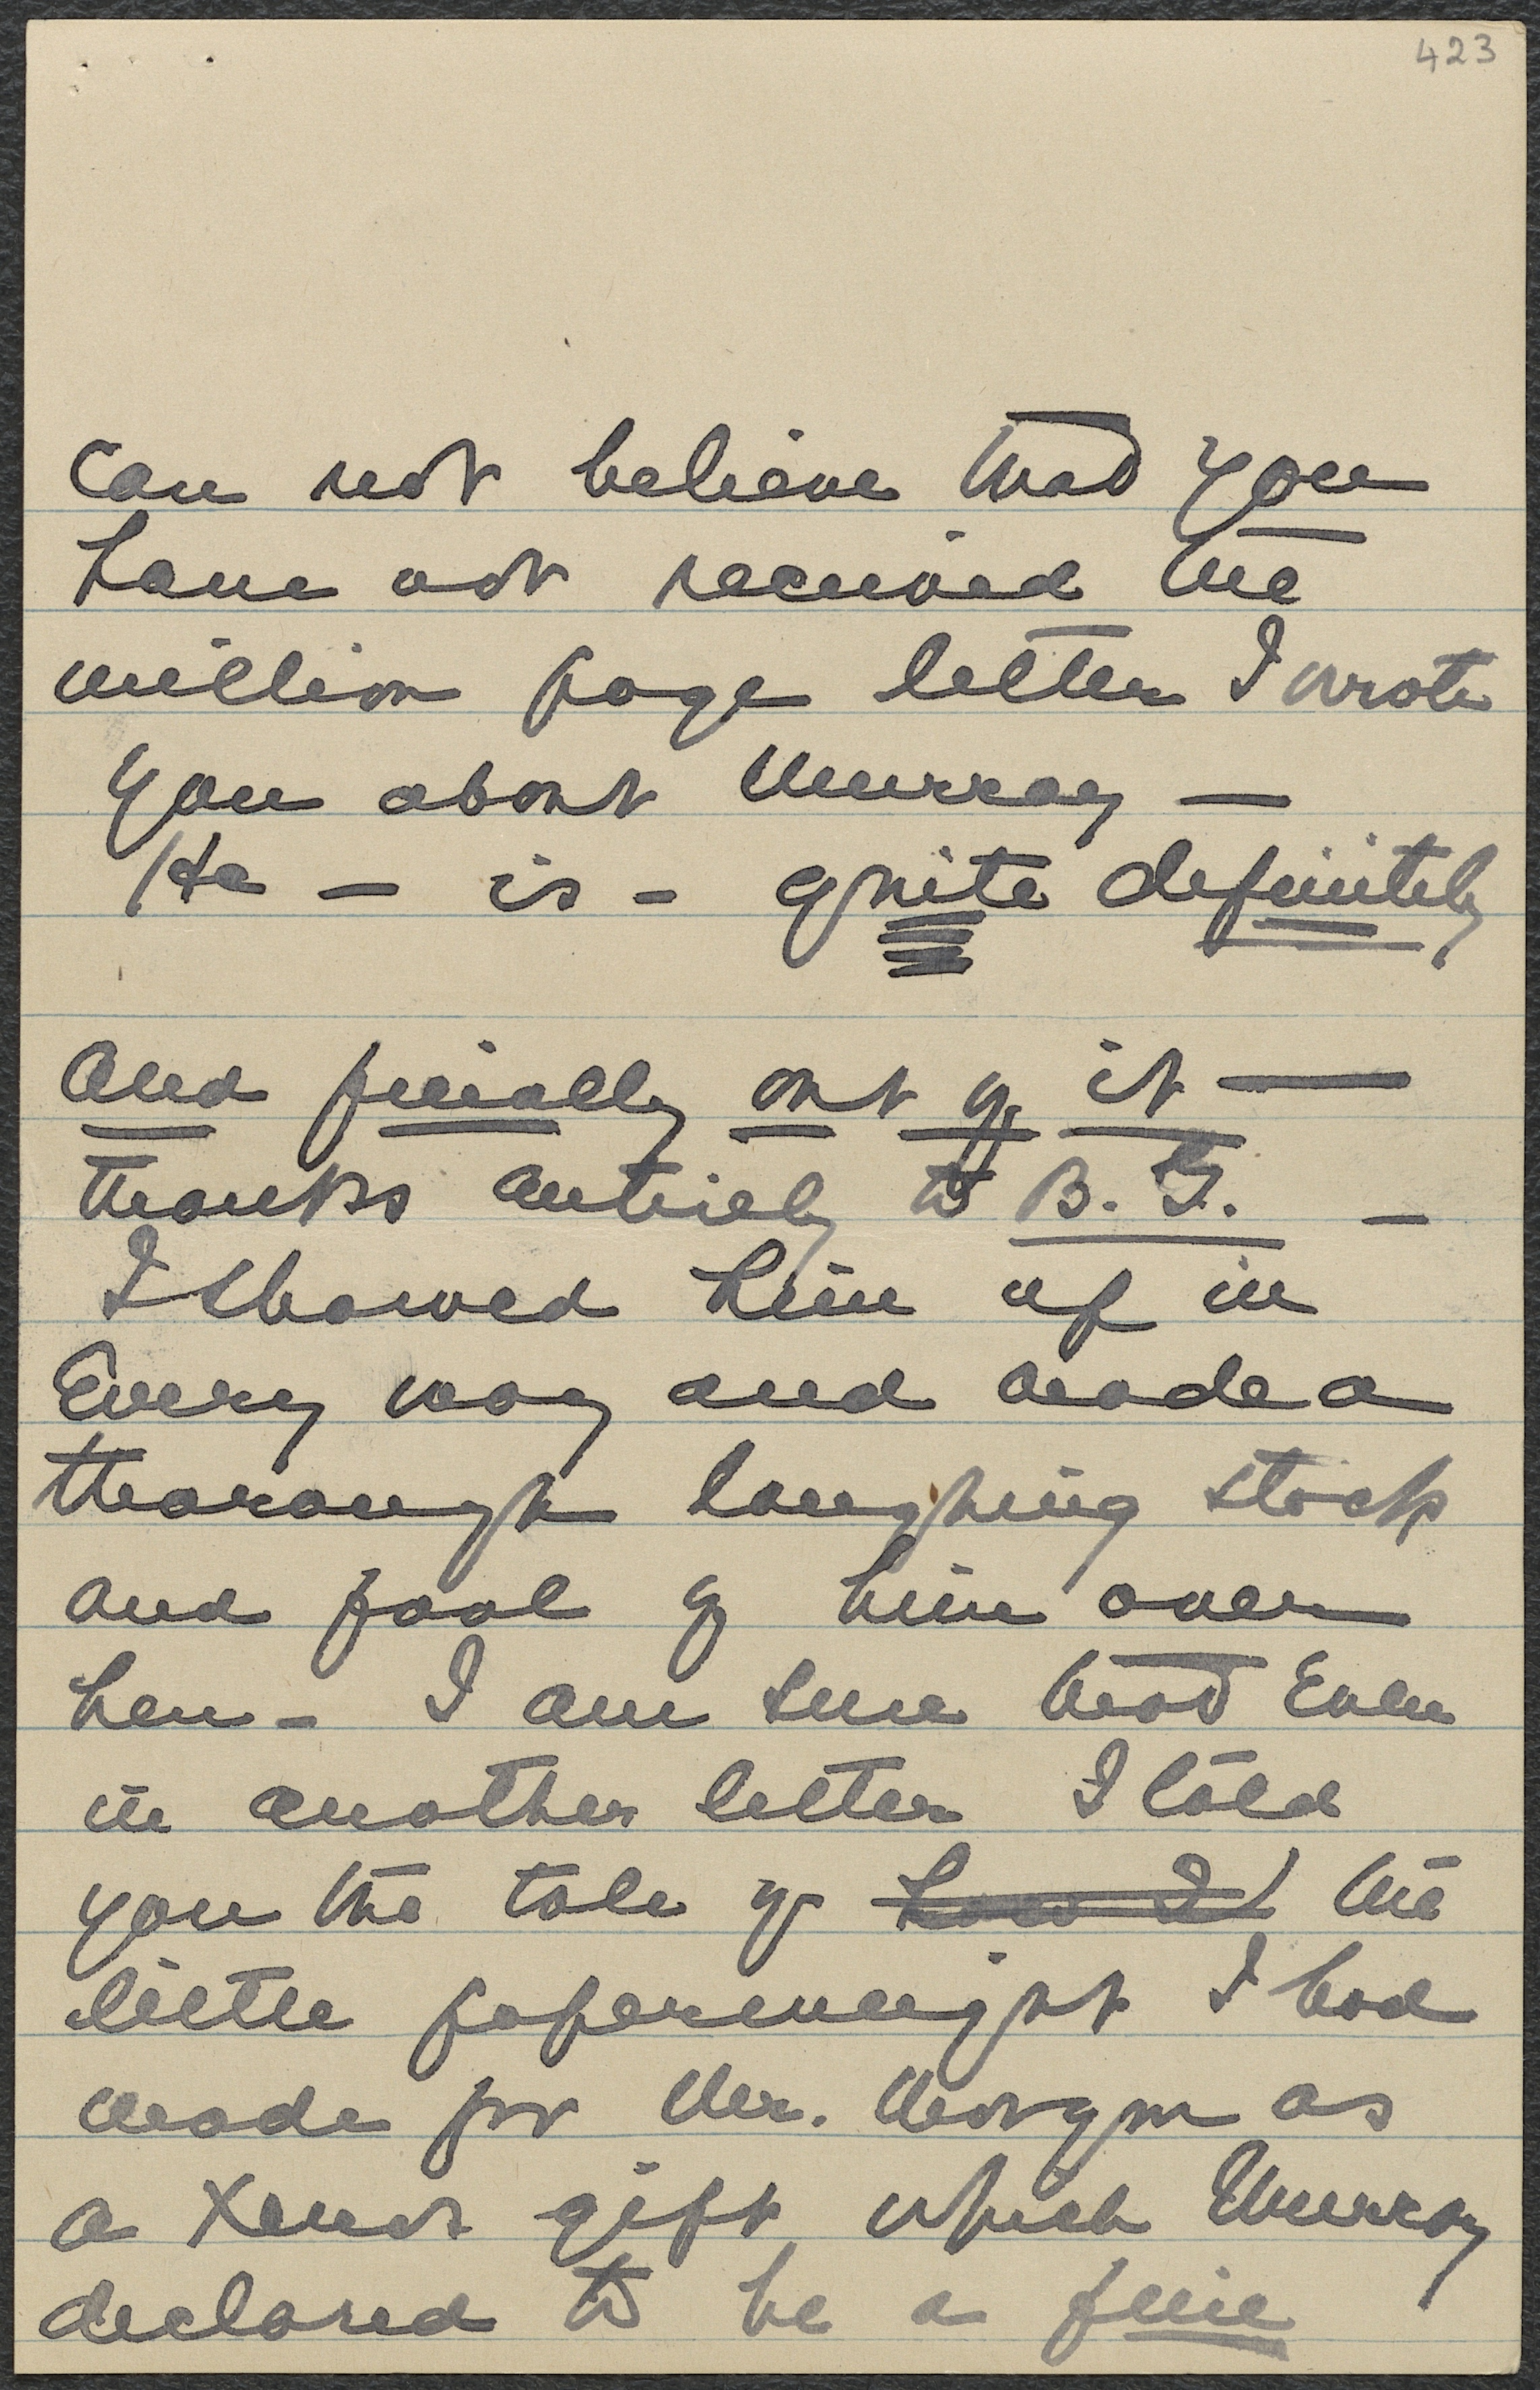can not believe that you have not received the million page letter I wrote you about Murray –
He – is – [quadruple underlined: quite] [double underlined: definitely]
And finally out of it –
thanks entirely to B. G. – I showed him up in every way and made a thorough laughing stock and fool of him over here – I am sure that even in another letter I told you the tale of how I the little paperweight I had made for Mr. Morgan as a Xmas gift which Murray disclosed to be a fine